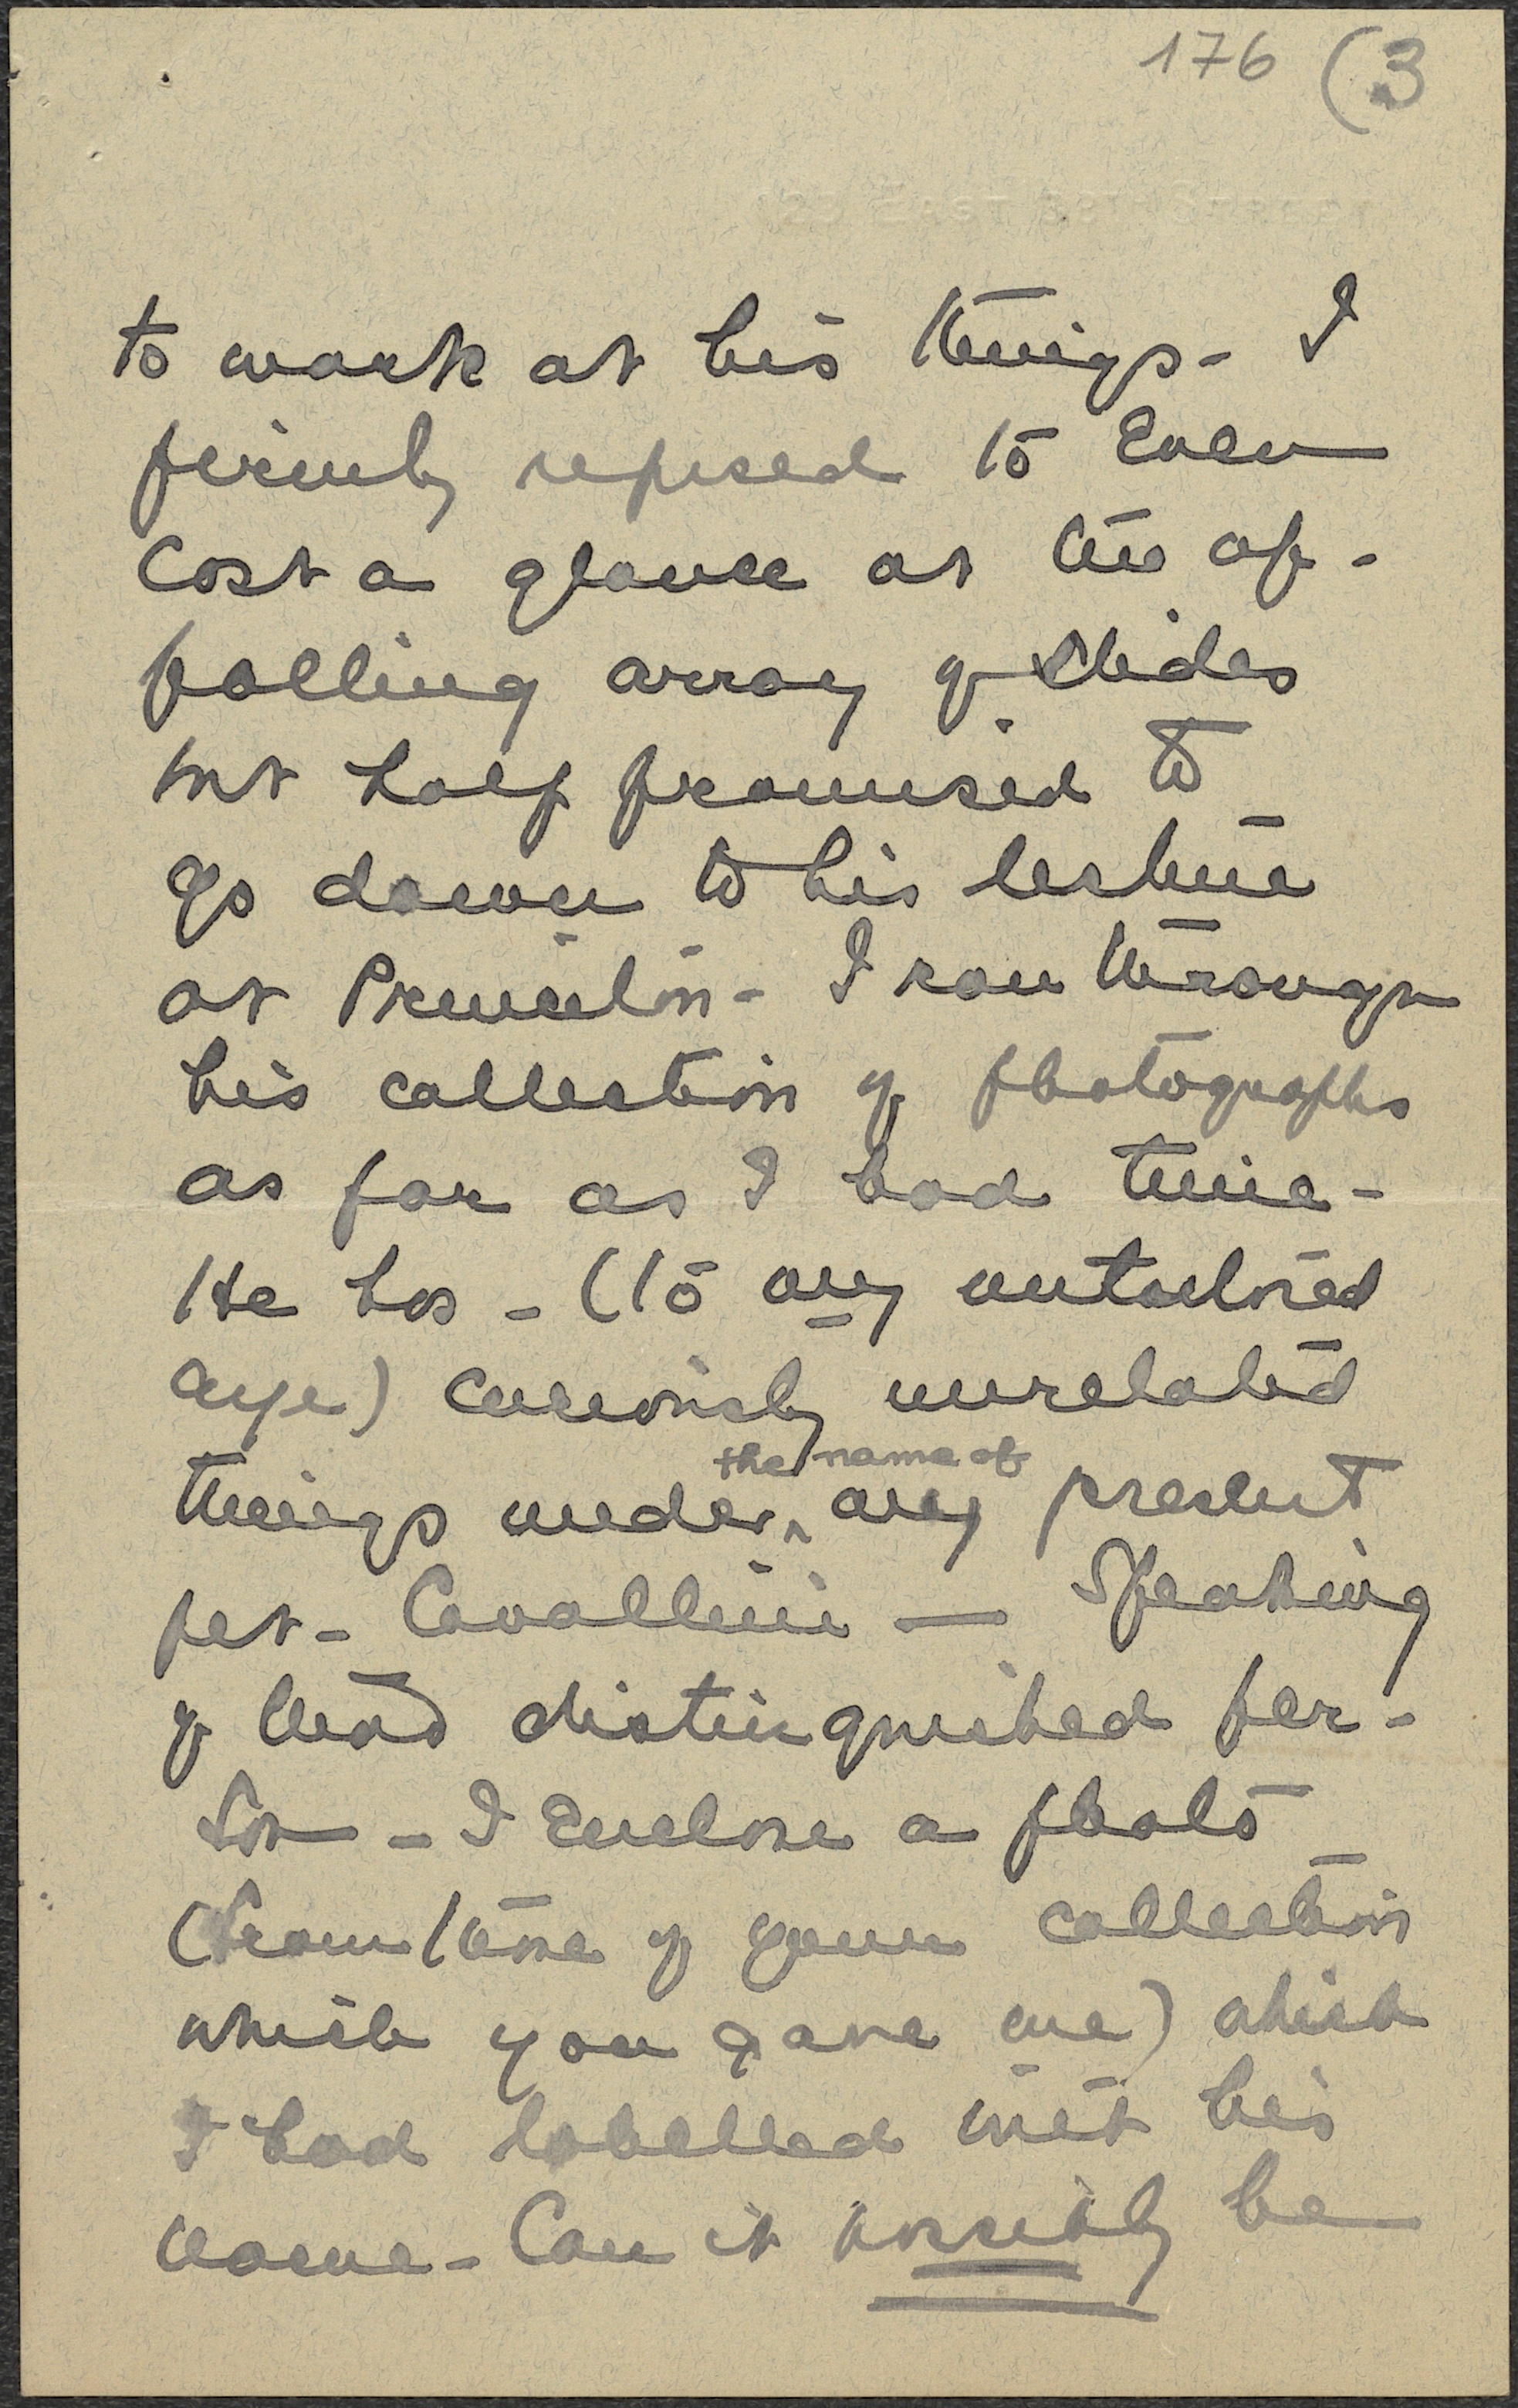3)
to work at his things – I firmly refused to even cast a glance at the appalling array of slides but half promised to go down to his lecture at Princeton – I ran through his collection of photographs as far as I had time – He has – (to any untutored eye) curiously unrelated things under [^the name of^] my present pet – Cavallini – Speaking of that distinguished person – I enclose a photo (from those of your collection which you gave me) which I had labelled with his name – Can it [double underlined: possibly] be